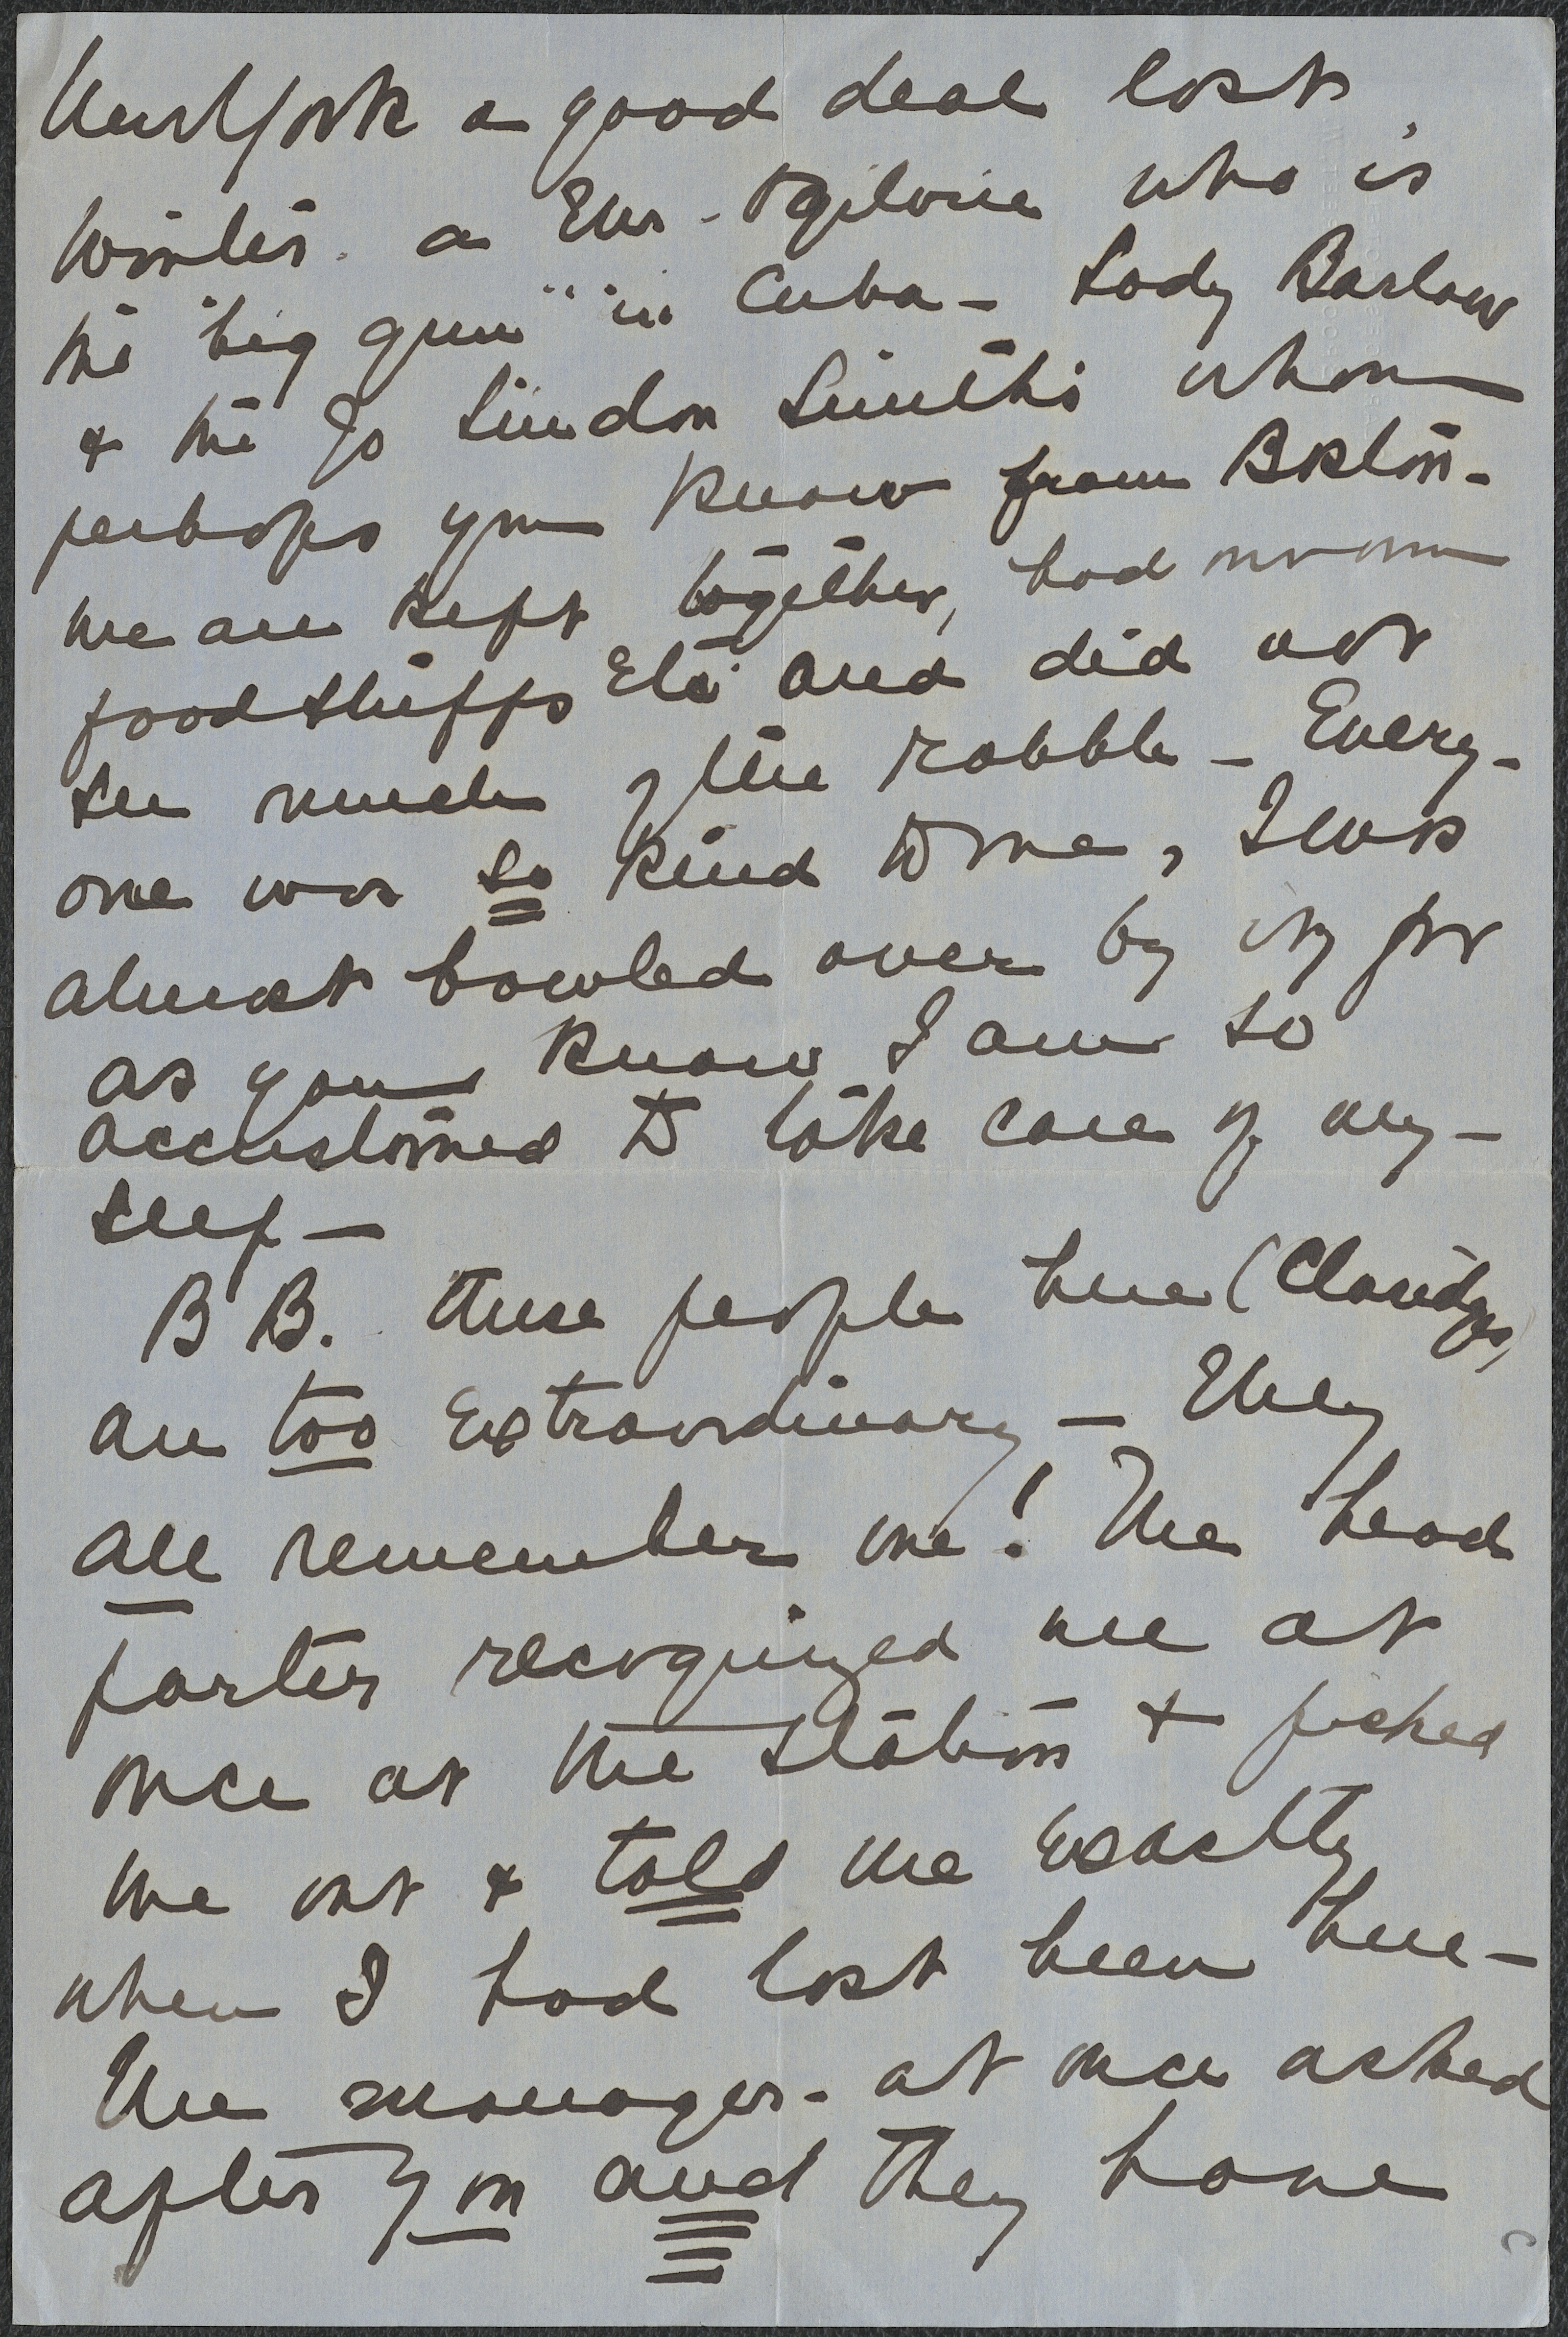New York a good deal last winter a Mr. Ogilvie who is the “big gun” in Cuba – Lady Barlow & the Jo Lindon Smith’s whom perhaps you know from Boston – we all kept together, had our own foodstuffs etc. and did not see much of the rabble – Everyone was [double underlined: so] kind to me, I was almost bowled over by it for as you know I am so accustomed to take care of myself –
B B. these people here (Claridges) are too extraordinary – they all remember me! The head porter recognized me at once at the station & fished me out & [double underlined: told] me exactly when I had last been here – The manager – at once asked after you [quadruple underlined: and] they have